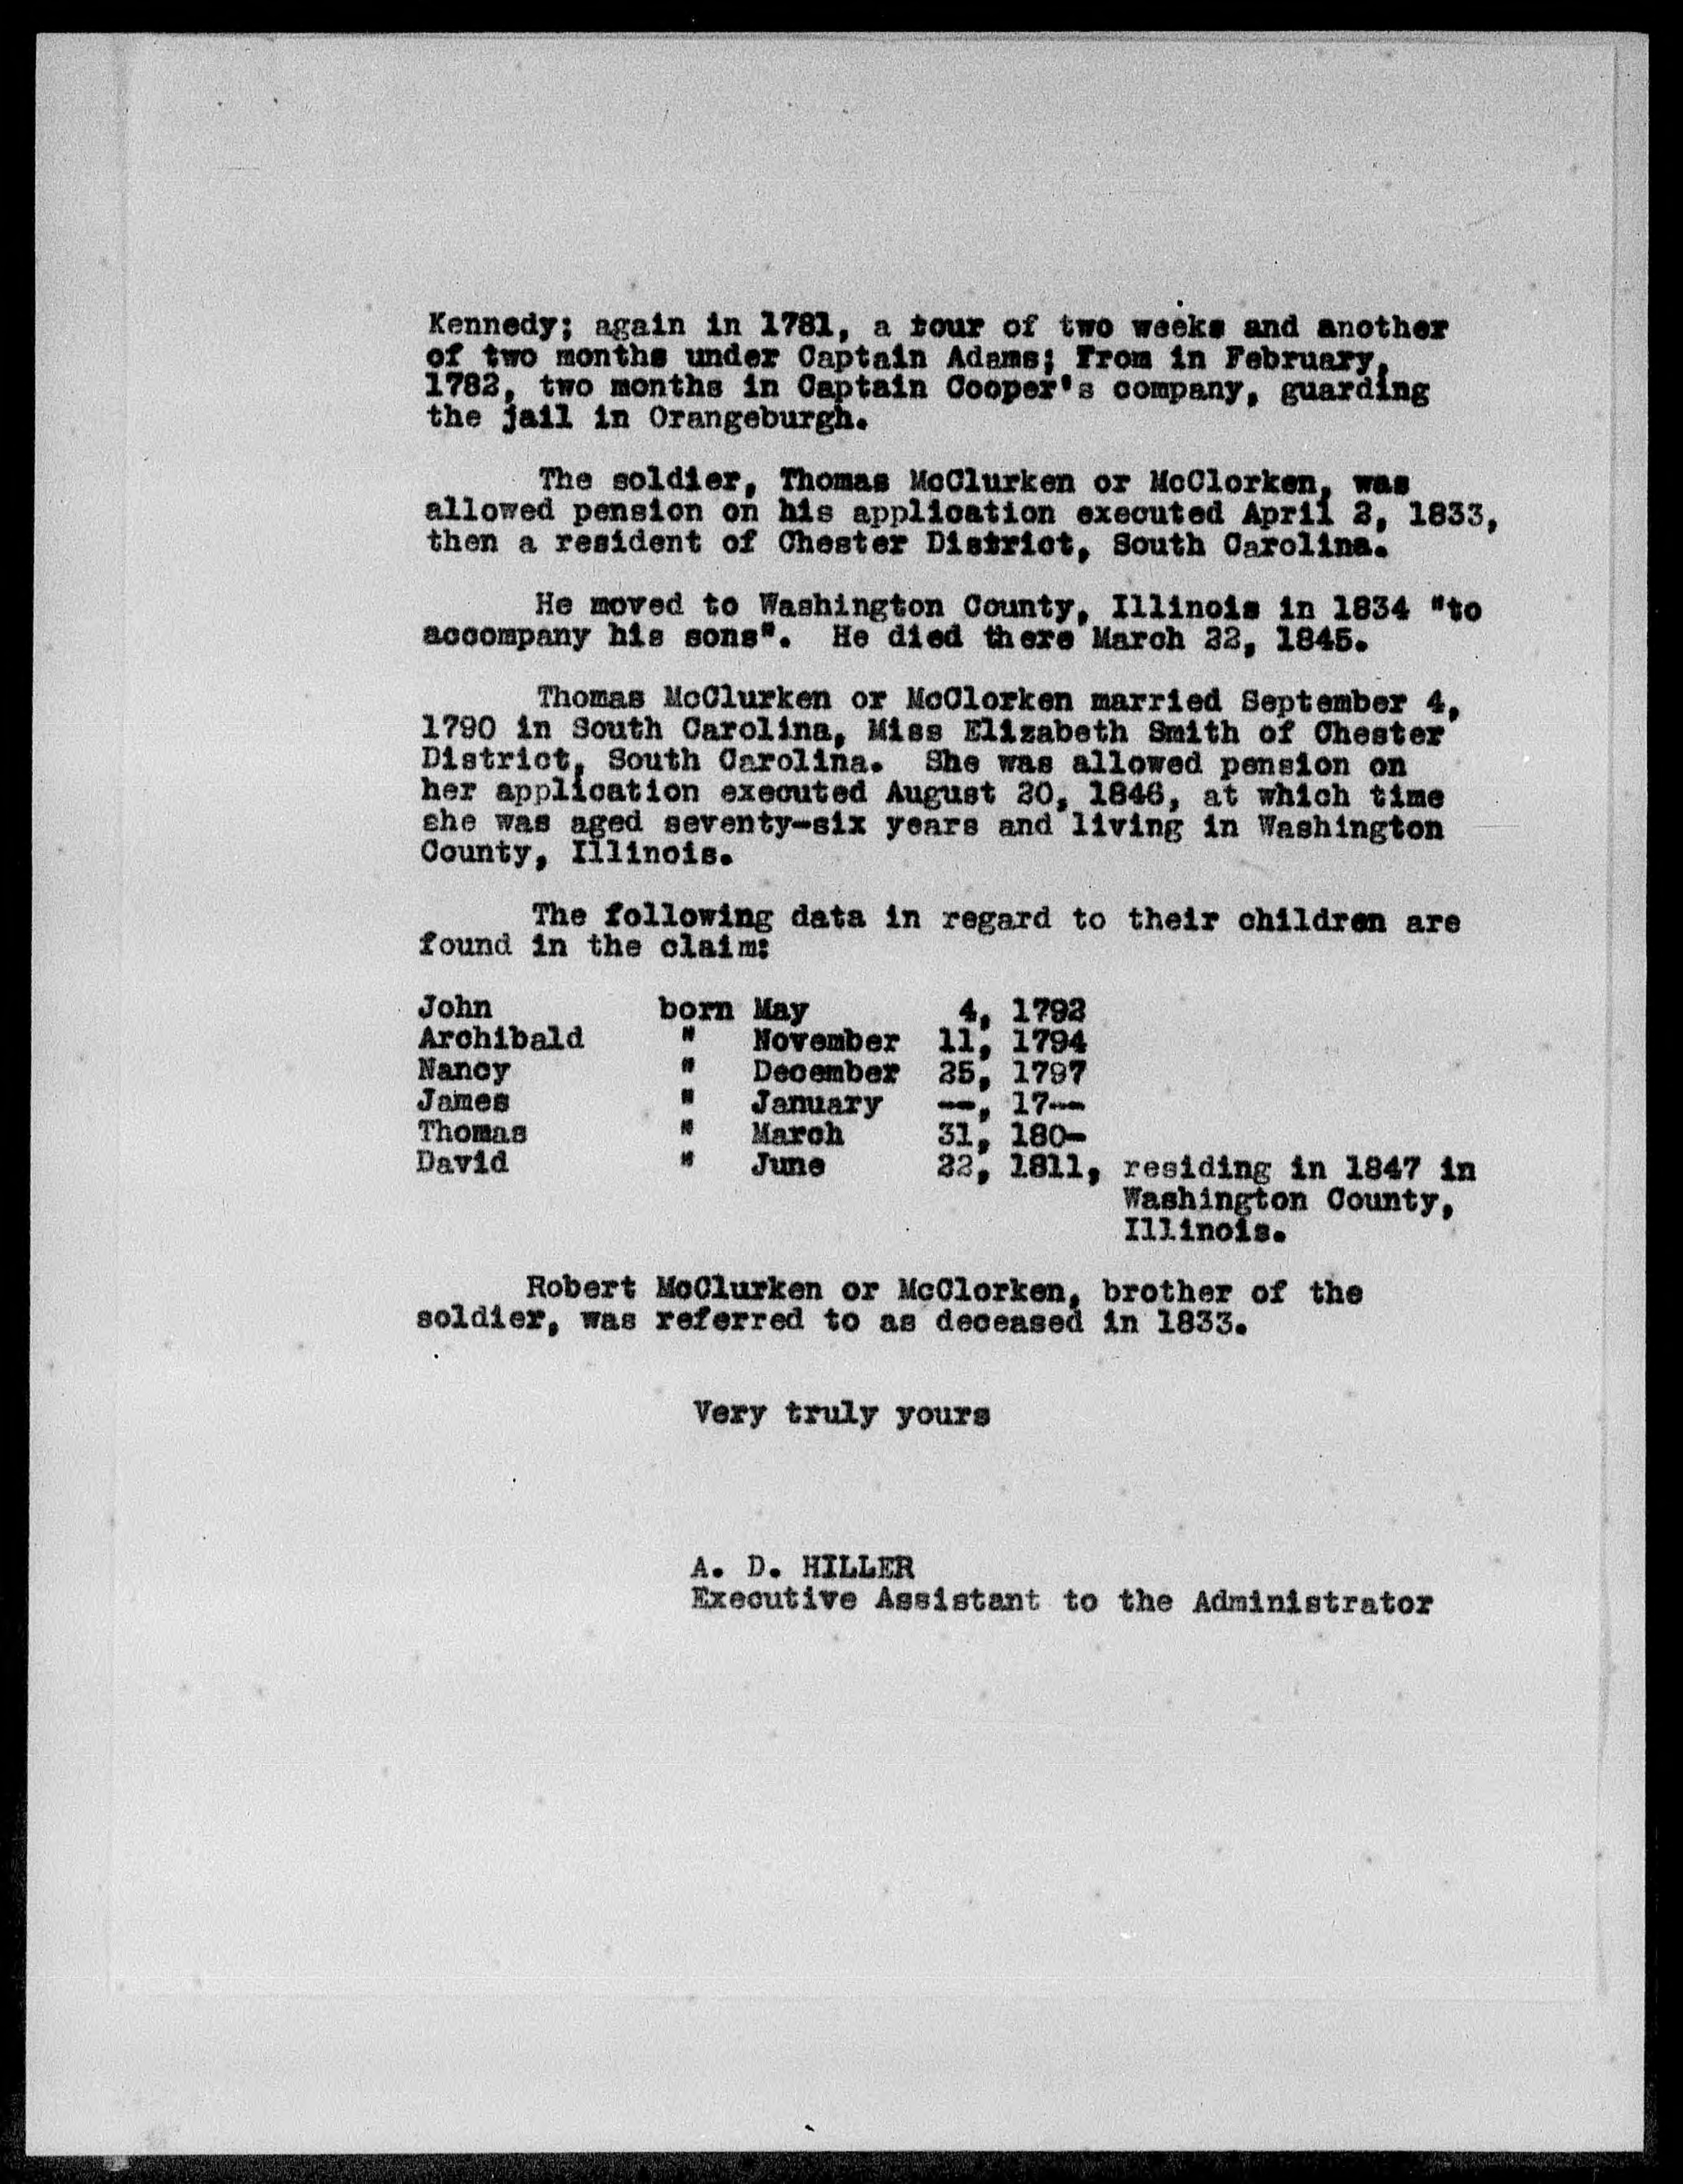Kennedy; again in 1781, a tour of two weeks and another of two months under Captain Adams; from in February, 1782, two months in Captain Cooper's company, guarding the jail in Orangeburgh. 

The soldier, Thomas McClurken or McClorken, was allowed pension on his application executed April 2, 1833, then a resident of Chester District, South Carolina.

He moved to Washington County, Illinois in 1834 "to accompany his sons". He died there March 22, 1845. 

Thomas McClurken or McClorken married September 4, 1790 in South Carolina, Miss Elizabeth Smith of Chester District, South Carolina. She was allowed pension on her application executed August 20, 1846, at which time she was aged seventy-six years and living in Washington County, Illinois. 

The following data in regard to their children are found in the claim: 
John  born May 4, 1792
Archibald " November 11, 1794
Nancy " December 25, 1797
James " January -, 17-
Thomas " March 31, 180-
David " June 22, 1811, residing in 1847 in Washington County, Illinois. 

Robert McClurken or McClorken, brother of the soldier, was referred to as deceased in 1833. 

Very truly yours 
A. D. HILLER 
Executive Assistant to the Administrator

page: 23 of 93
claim: widow's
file: W. 21792, for Thomas Mc Clurken, South Carolina